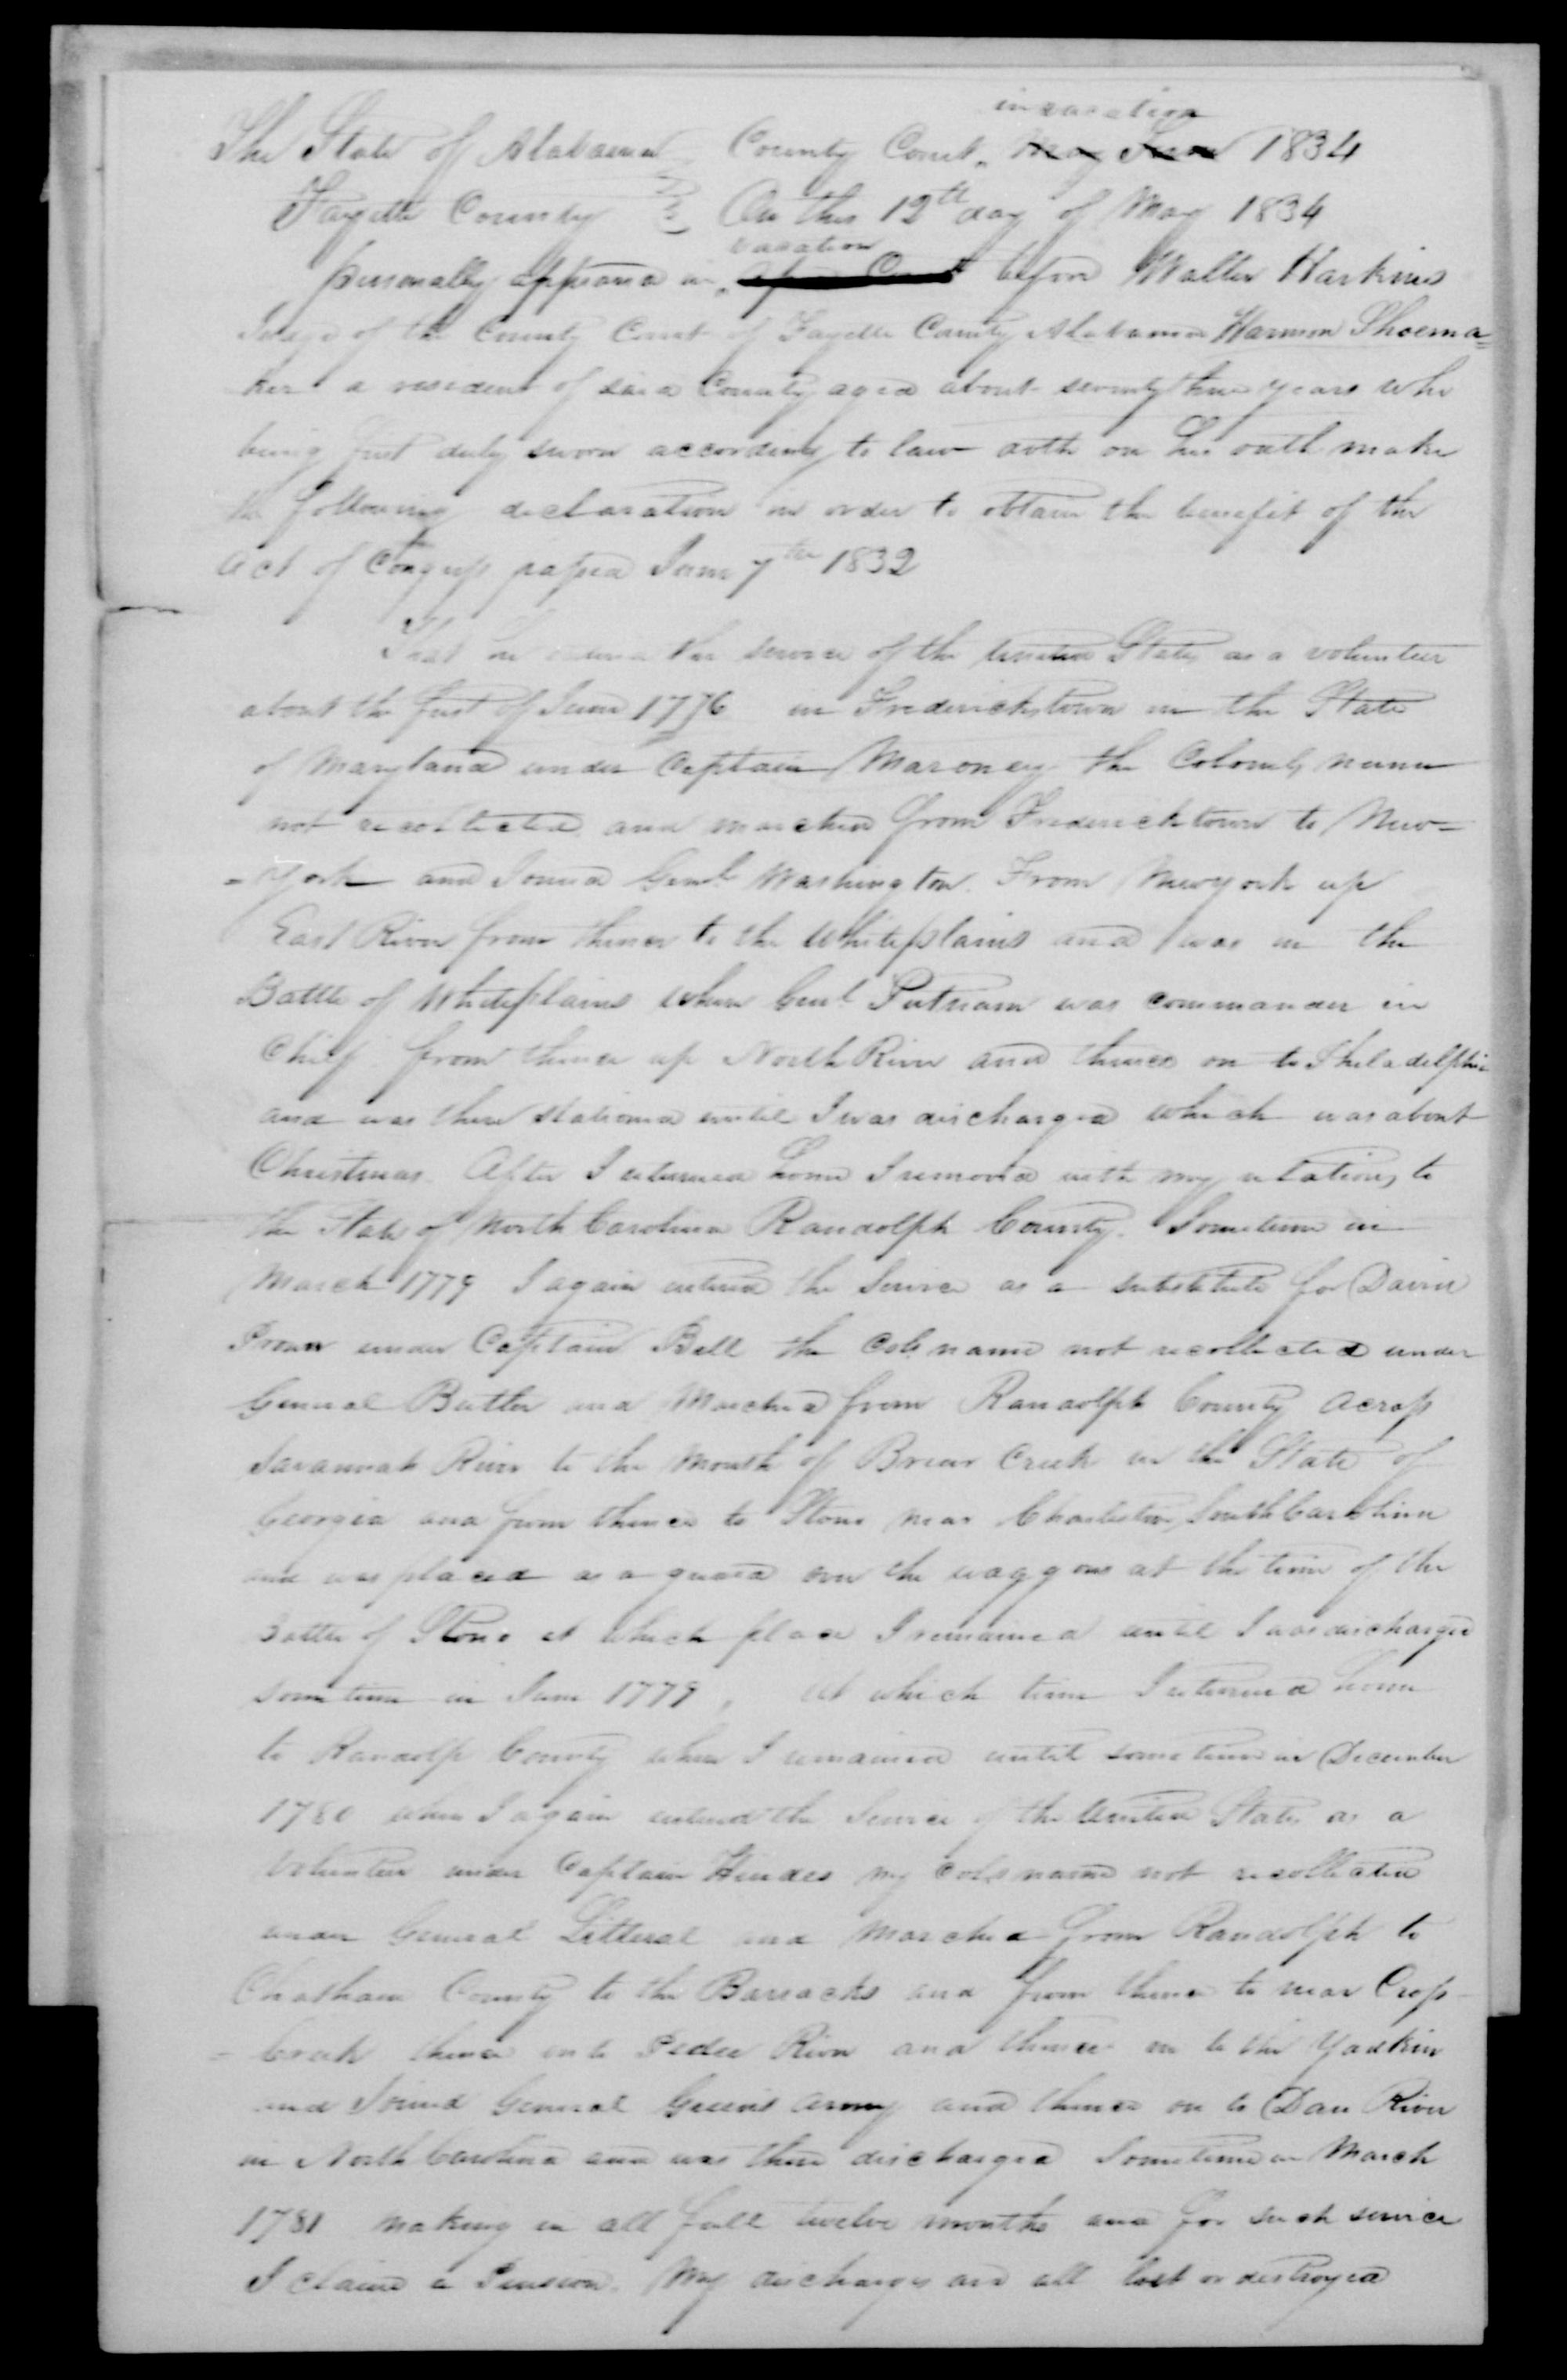The State of Alabama } County Court, in vacation 1834
Fayette County } On this 12th day of May 1834
personally appeared in vacation before Walter Hawkins
Judge of the County Court of Fayette County Alabama Harmon Shumaker
a resident of said County aged about seventy three years who
being first duly sworn according to law doth on his oath make
the following declaration in order to obtain the benefit of the
Act of Congress passed June 7th 1832
That he entered the service of the United States as a volunteer
about the first of June 1776 in Frederick town in the State
of Maryland under Captain Maroney the Colonels name
not recollected, and marched from Frederick town to New
York and joined Genl. Washington. From New York up
East River from thence to the White Plains and was in the
Battle of White plains when Gen’l. Putnam was commander in
Chief from thence up North River and thence on to Philadelphia
and was there stationed until I was discharged which was about
Christmas. After I returned home I removed with my relations to
The State of North Carolina Randolph County. Some time in
March 1779 I again entered the service as a substitute for David
Prower under Captain Bell the Cols. name not recollected under
General Butler and Marched from Randolph County across
Savannah River to the mouth of Briar Creek in the State of
Georgia and from thence to Stono near Charleston South Carolina
and was placed as a guard over the waggons at the time of
the Battle of Stono at which place I remained until I was discharged
some time in June 1779, at which time I returned home
to Randolph County where I remained until some time in December
1780 when I again entered the Service of the United States as a
volunteer under Captain Hindes my Col’s name not recollected
under General Litteral and marched from Randolph to
Chatham County to the Barracks and from thence to near Cross
Creek thence on to Pedee River and thence on to the Yadkin
and joined General Green’s Army and thence on to Dan River
in North Carolina and was there discharged some time in March
1781 making in all full twelve months and for such service
 I claim a Pension. My discharges are all lost or destroyed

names: [BLANK] Putnam; Walter Harkins; [BLANK] Washington; [BLANK] Butler; [BLANK] Bell; [BLANK] Litteral; Harmon Shoemaker; [BLANK] Maroney; [BLANK] Heudes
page: 9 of 20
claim: survivor's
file: S. 32512, for Harmon Shumaker, Maryland